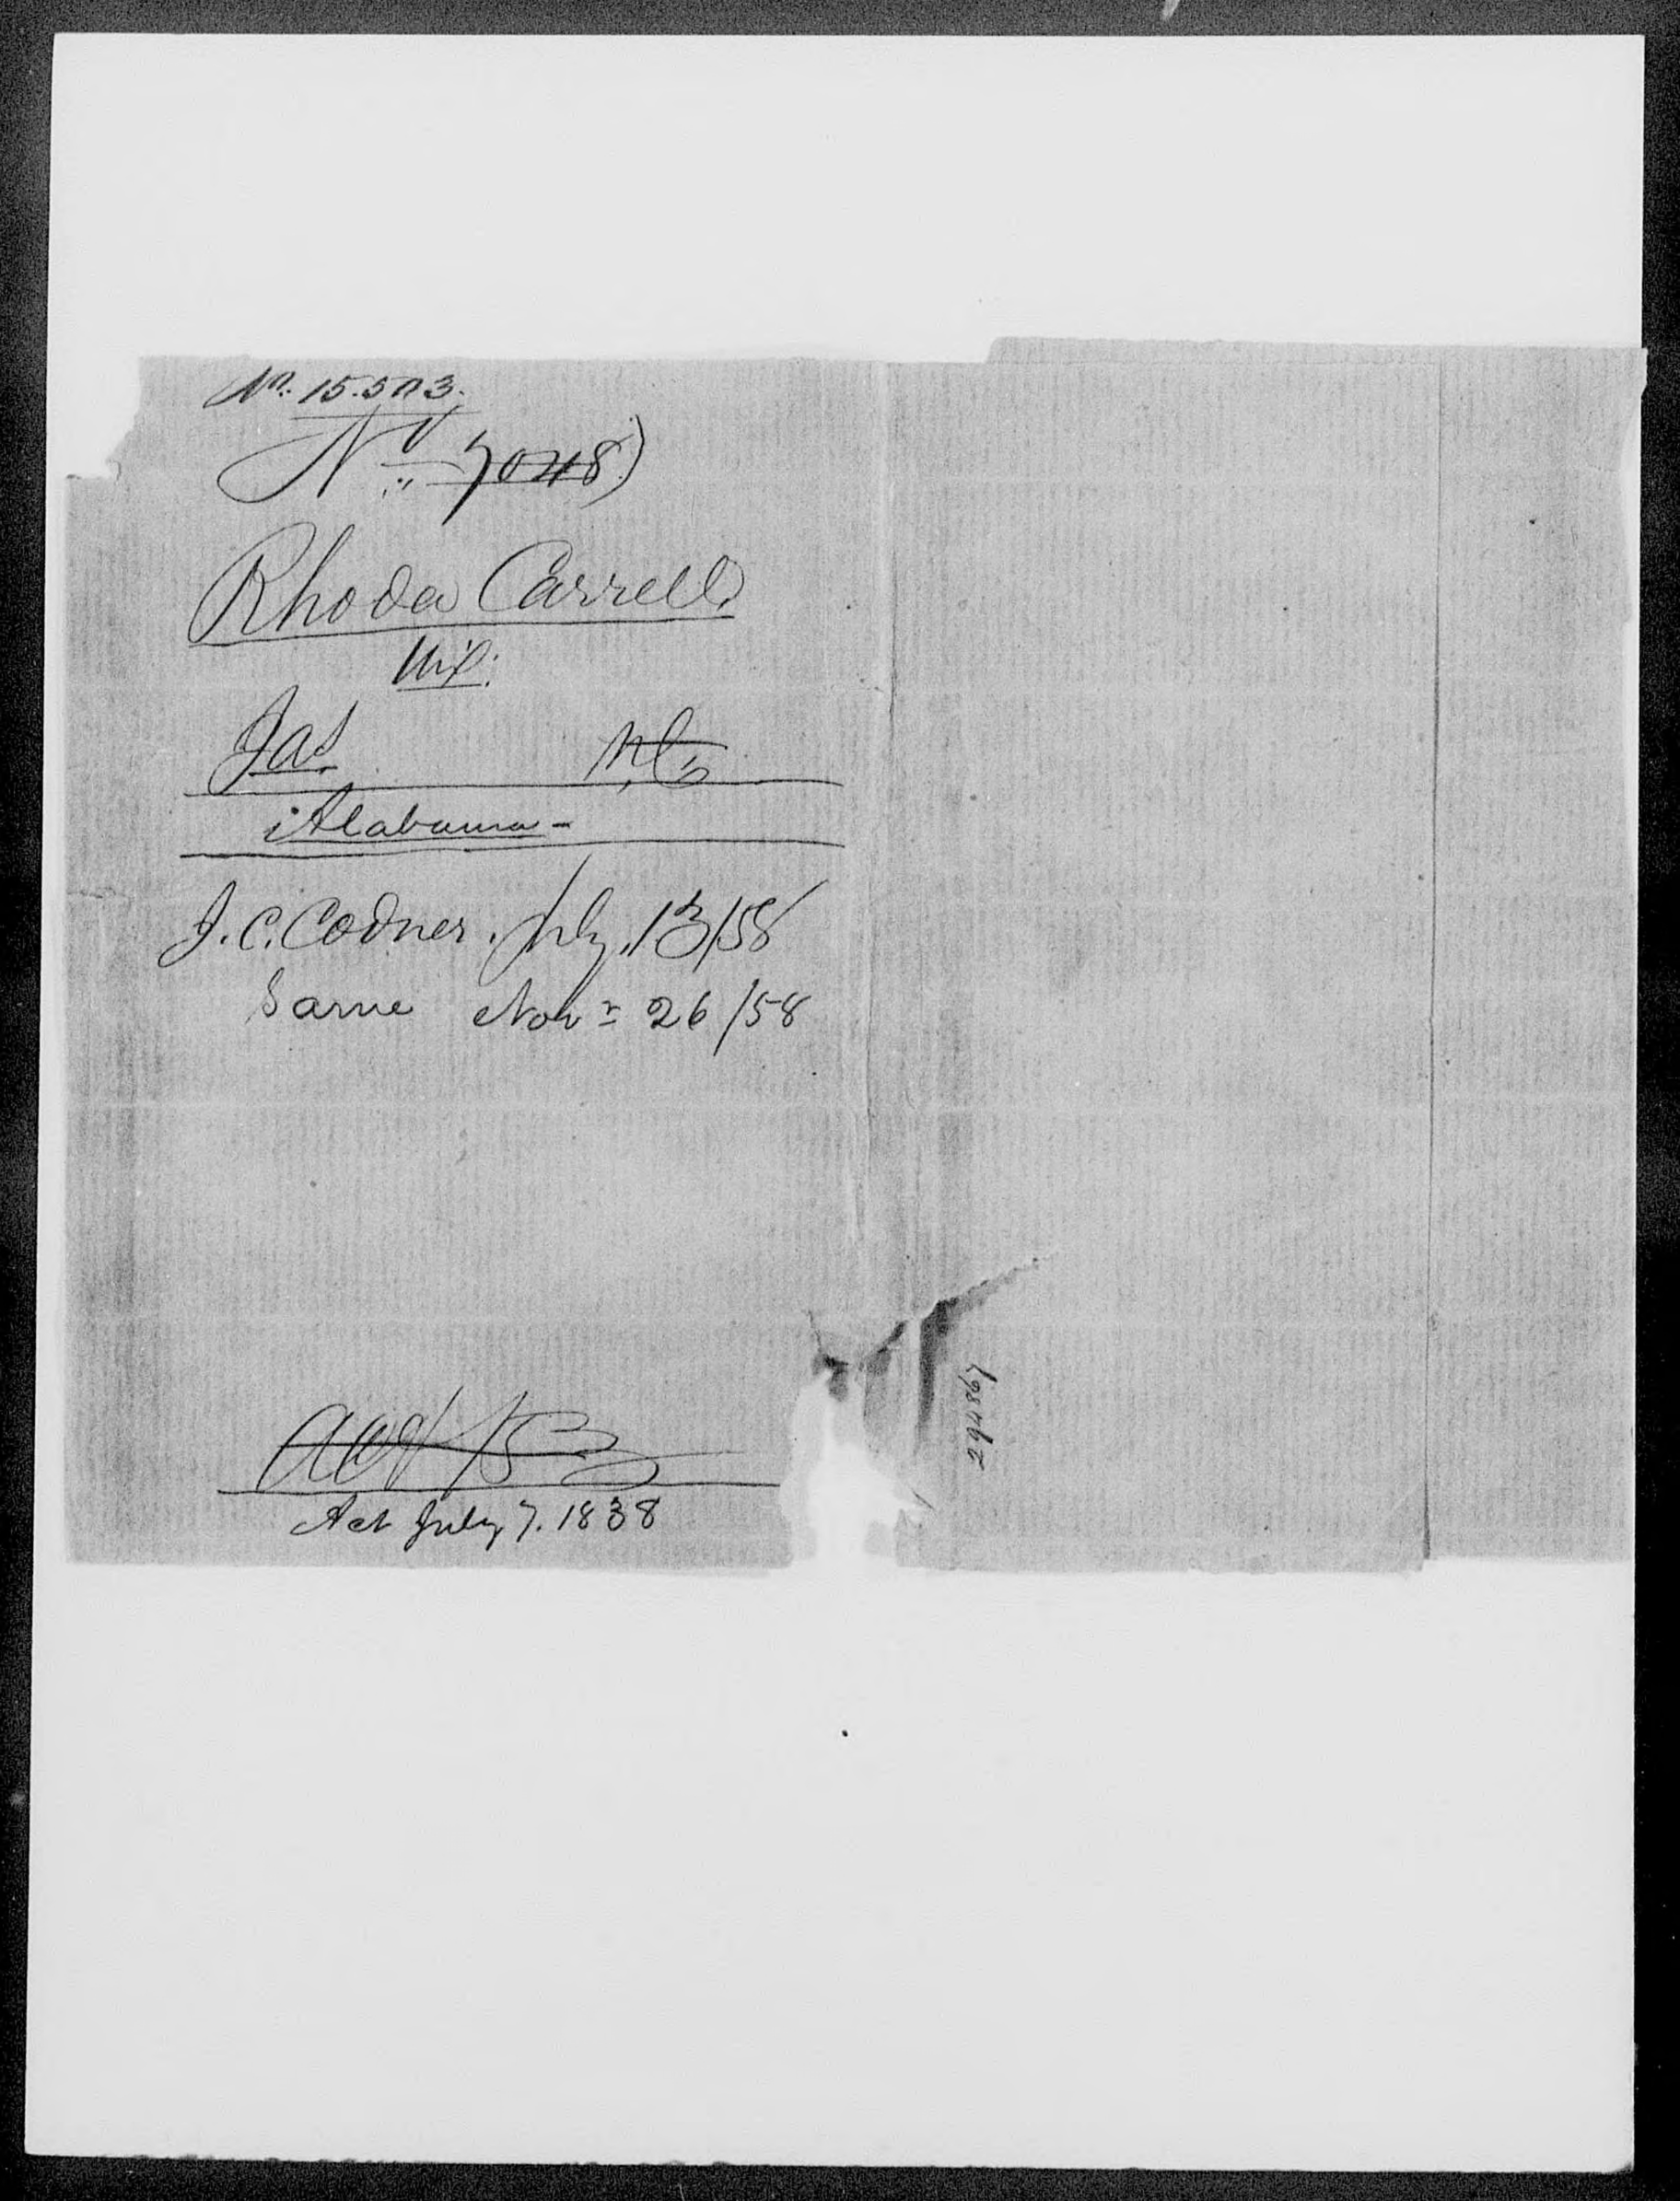No. 15.503
No. 7048

Rhoda Carrell
Wid
Jas     N.C.
Alabama
J.C. Codner July 13/58
Same Nov 26/58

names: J C Codner, Rhoda Carrell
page: 37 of 86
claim: widow's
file: W. 6899, James Carrell, N.C.